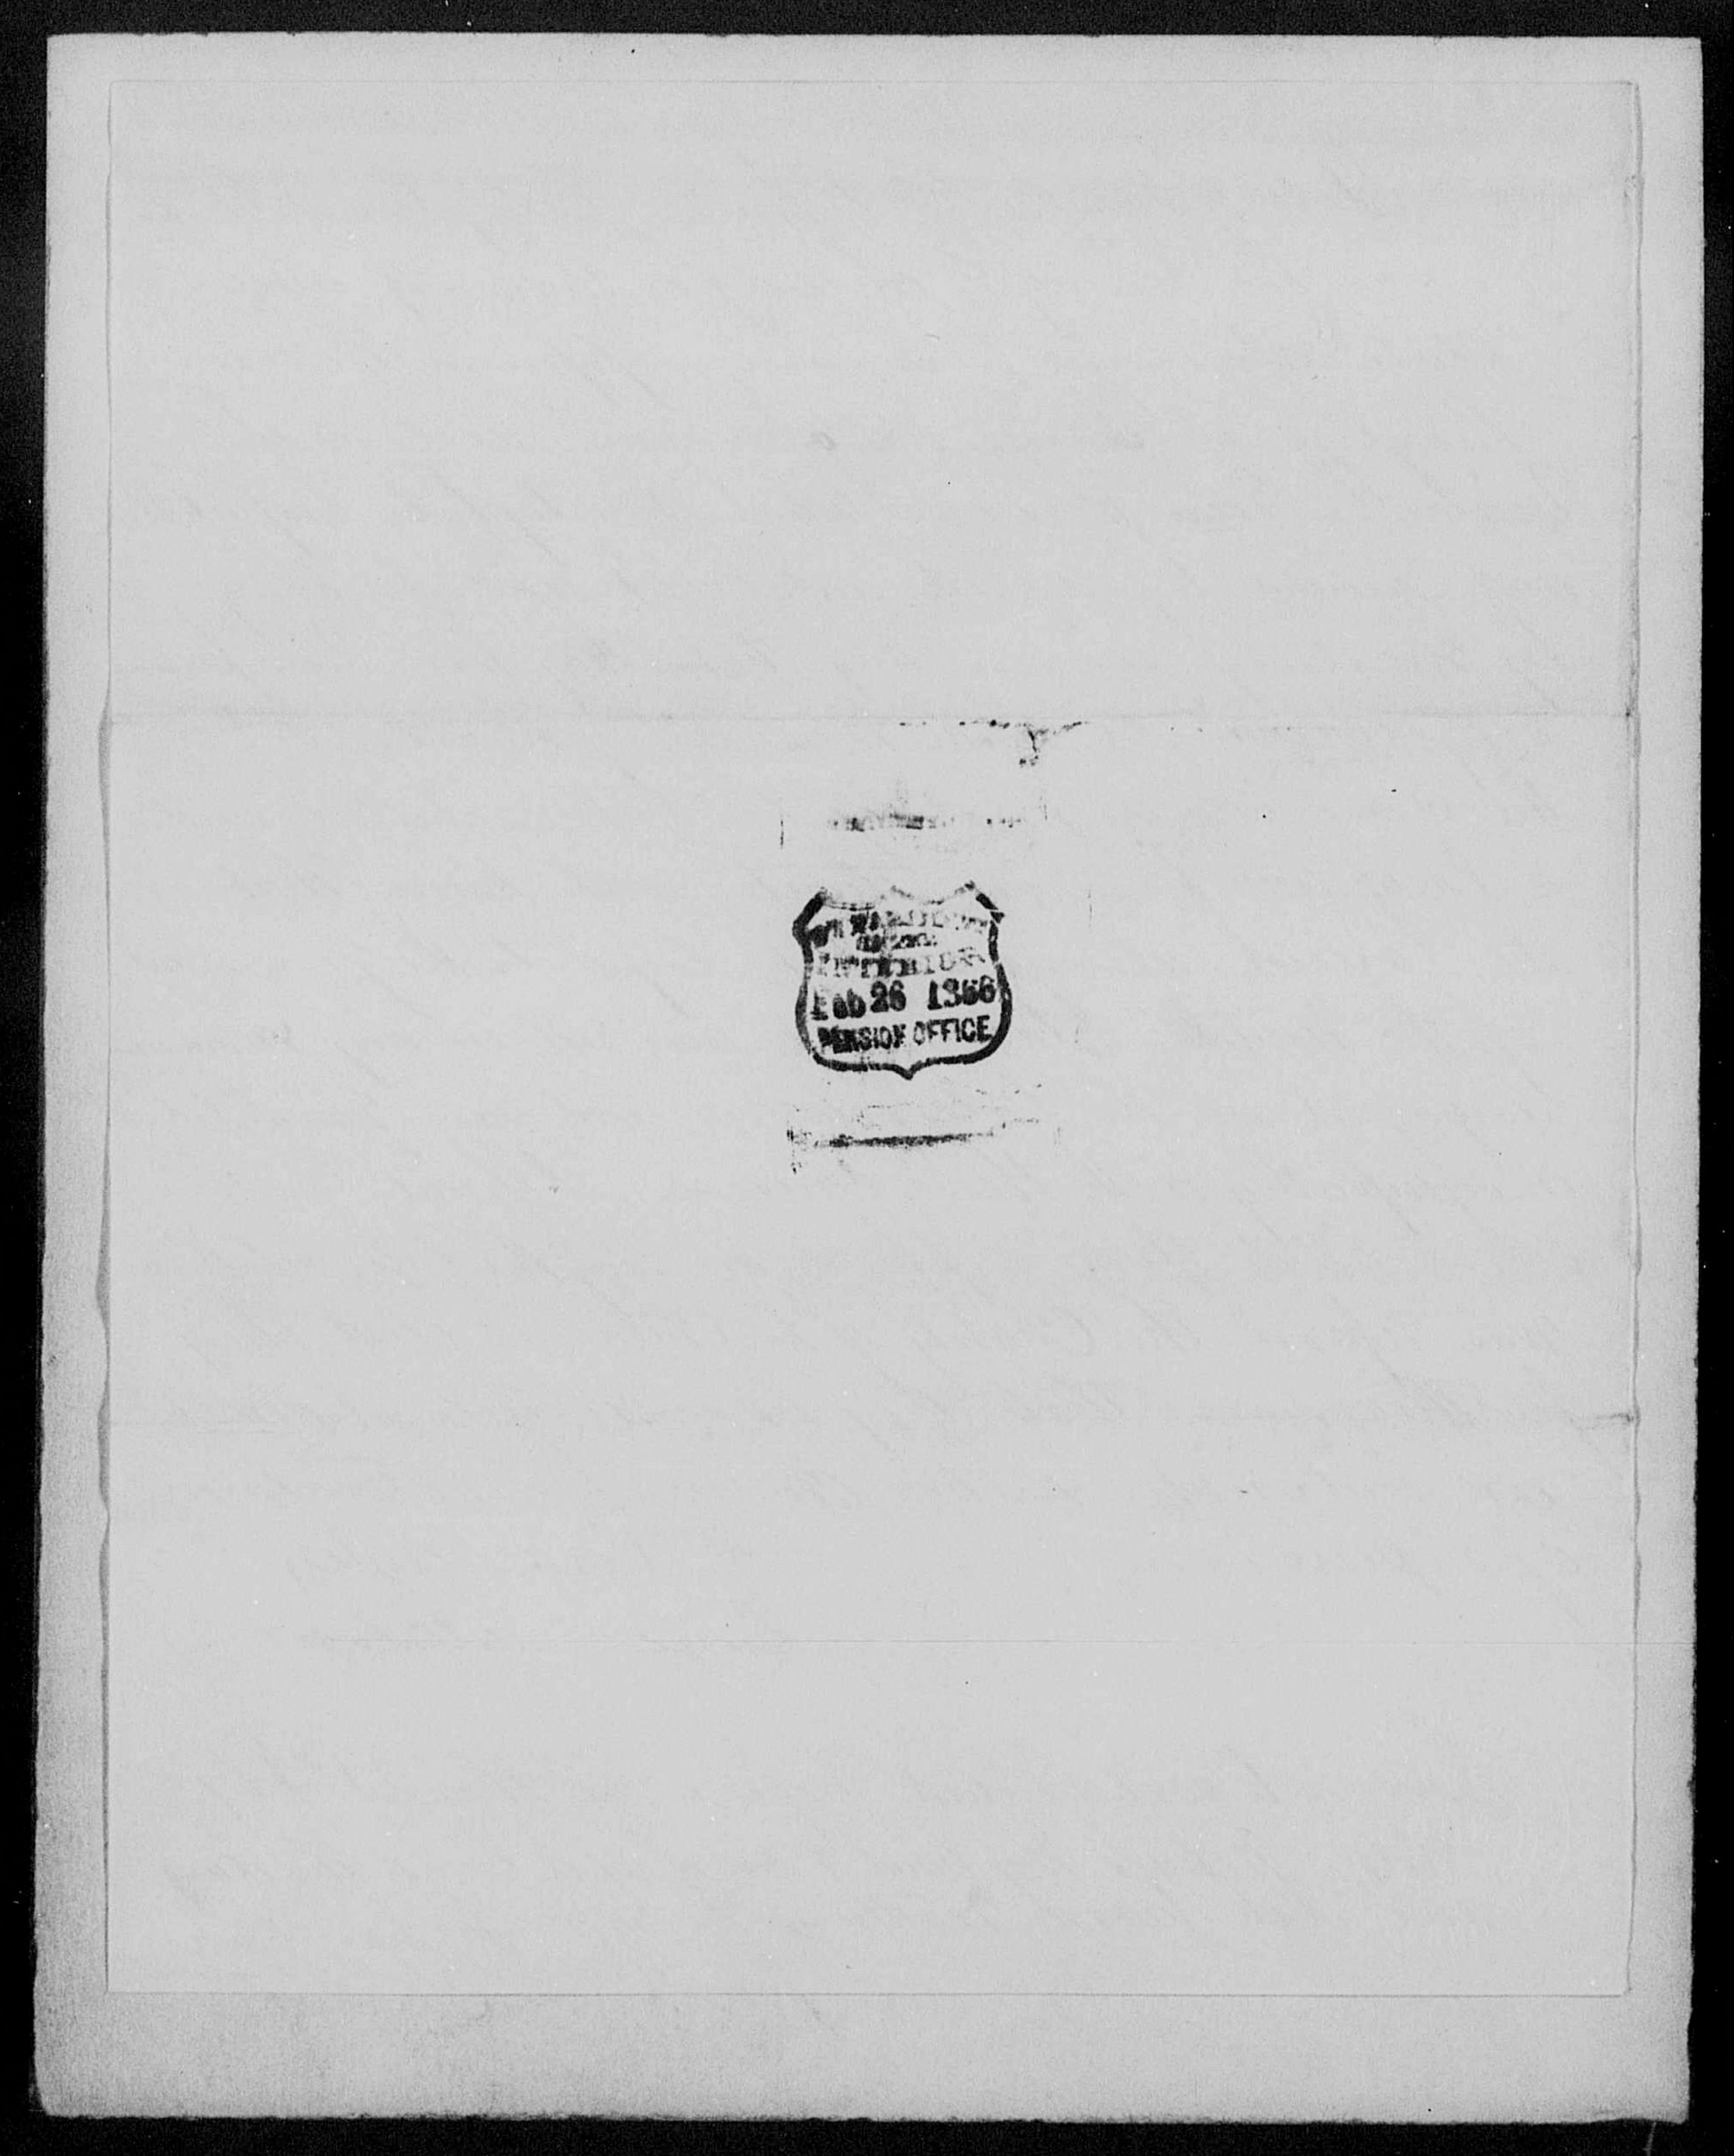stamp
[illegible text]
Feb 26 1868
PENSION OFFICE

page: 60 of 86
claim: widow's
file: W. 1035, John Hubbs, S.C.